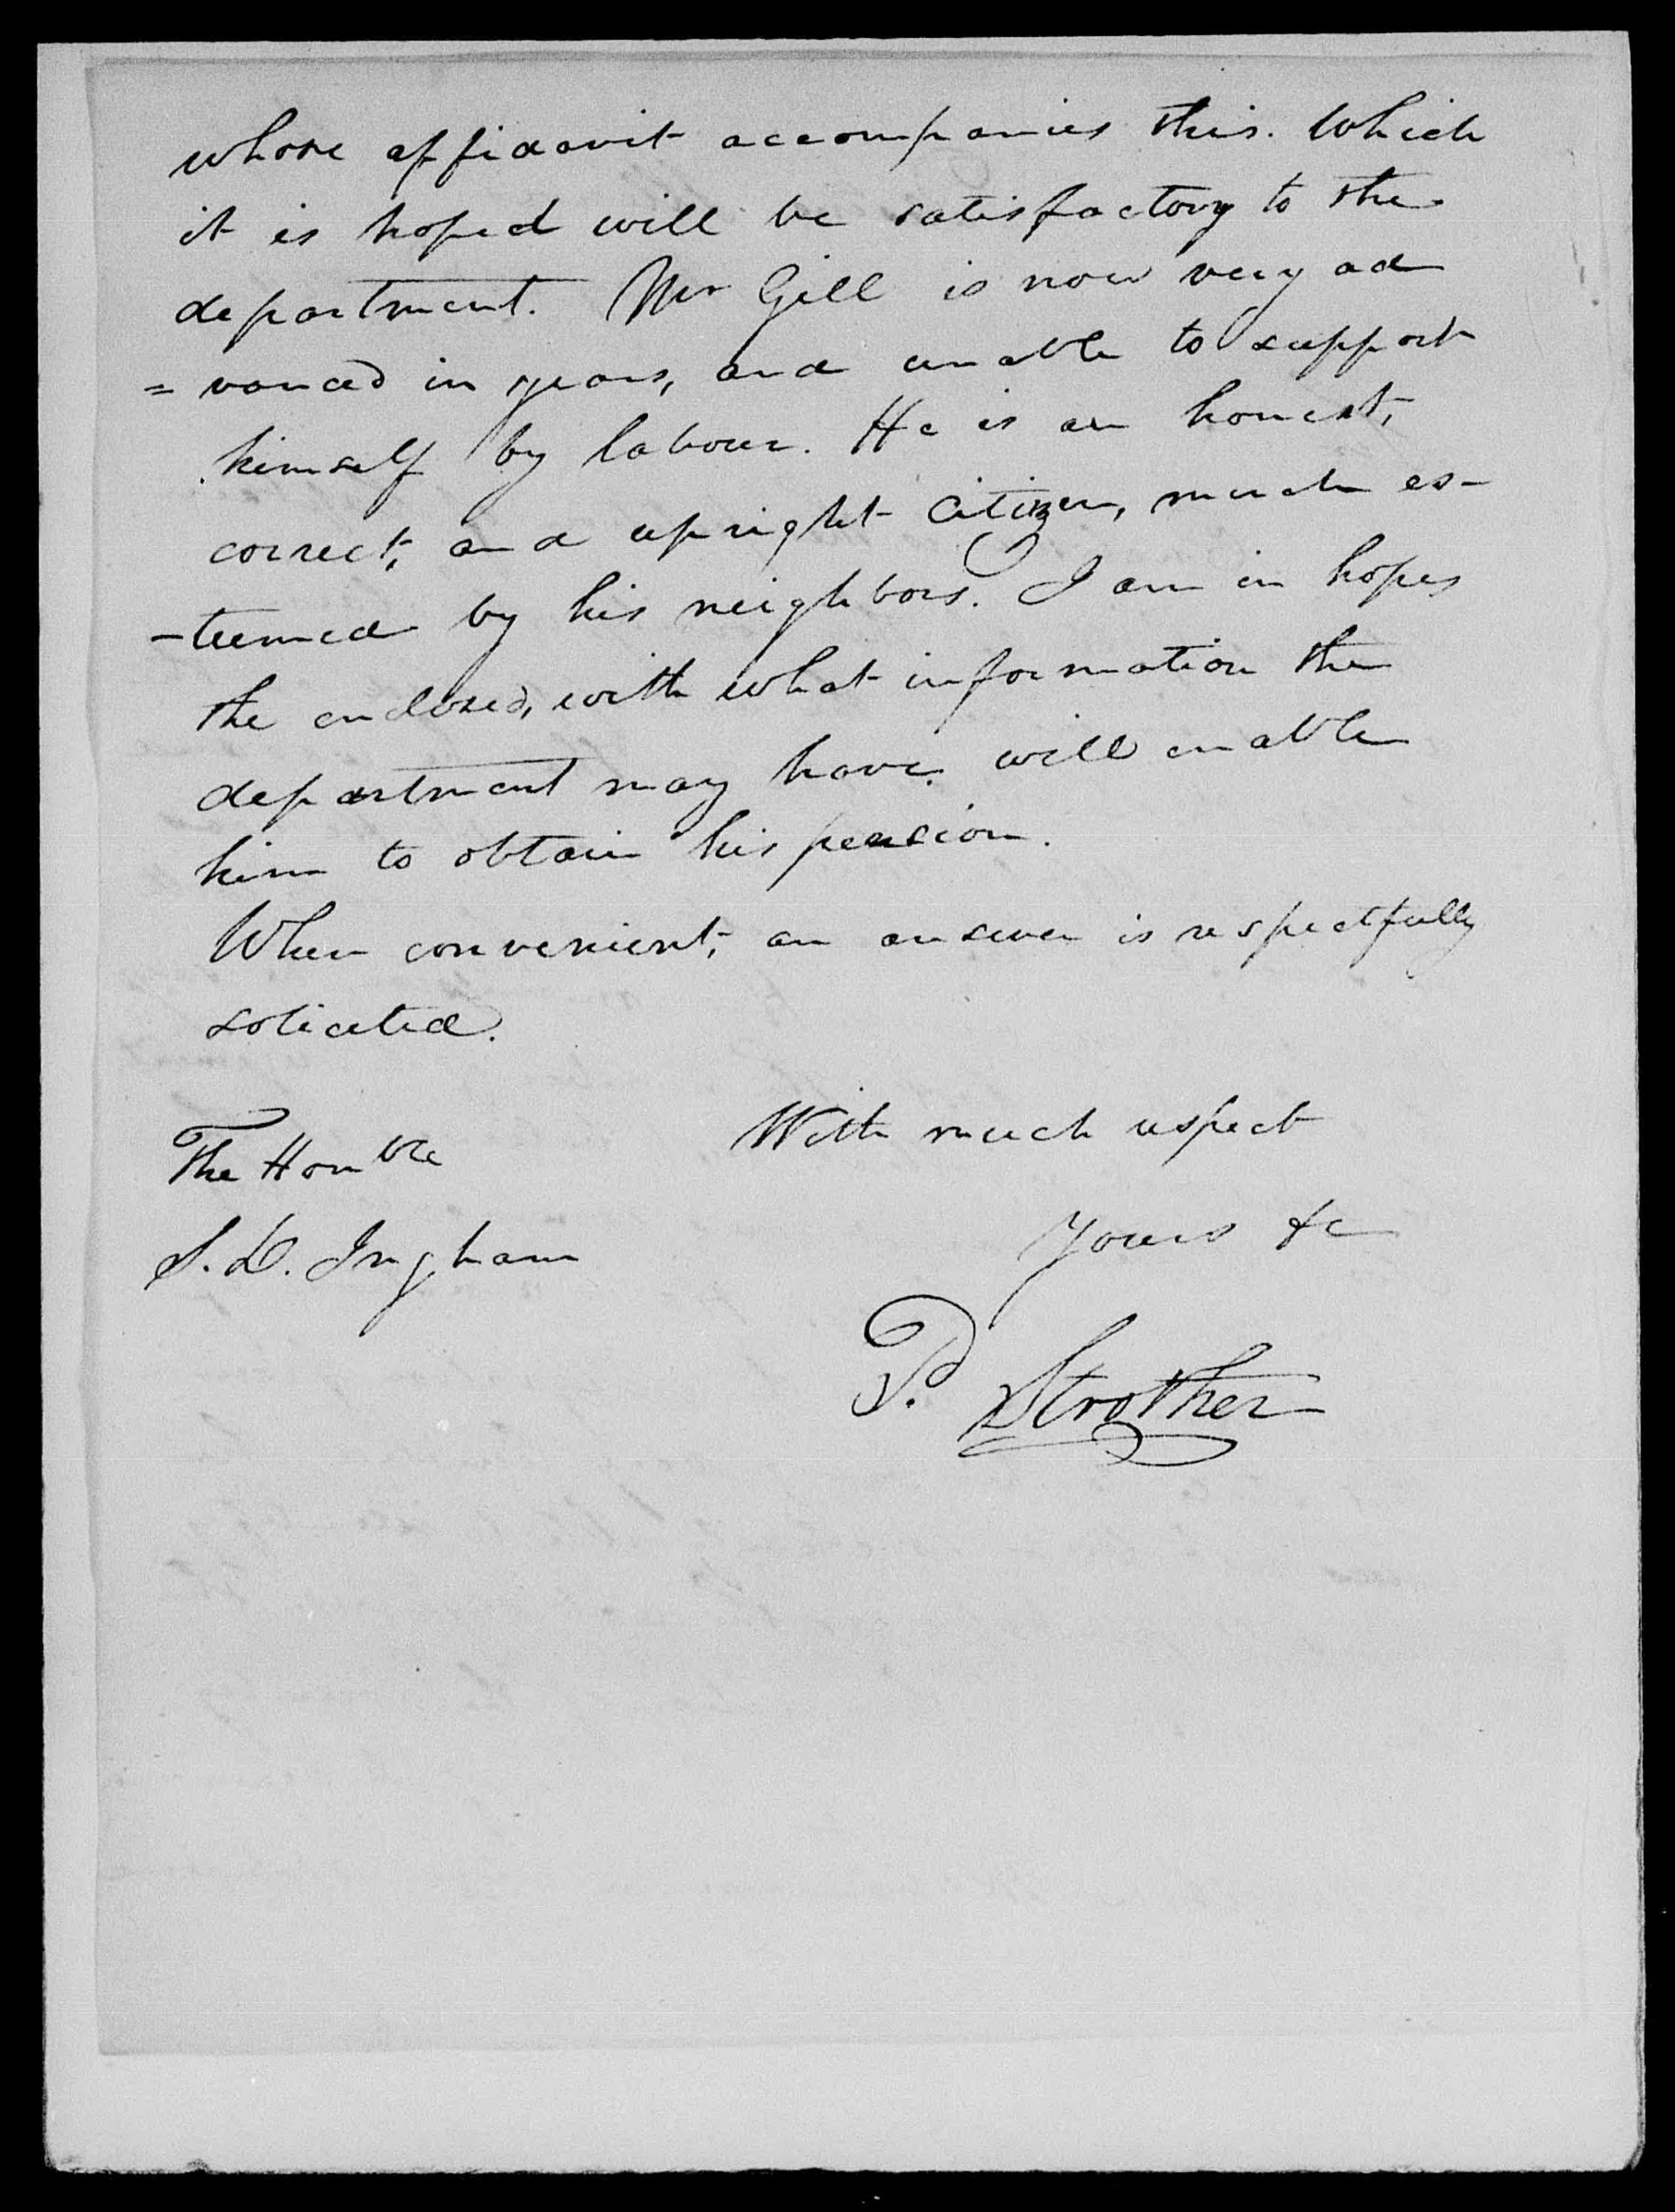whose affidavit accompanies this which it is hoped will be satisfactory to the department. Mr Gill is now very advanced in years, and unable to support himself by labour. He is an honest, correct and upright citizen, much esteemed by his neighbors, I am in hopes the enclosed, with what information the department may have will enable him to obtain his pension
when convenient, an answer is respectfully solicited
With much respect
Yours &c
P Strother

The Honble
S. D. Ingham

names: S D Ingham, P Strother, Gill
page: 36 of 44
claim: survivor's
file: S. 31,061, Thomas Gill, S.C.